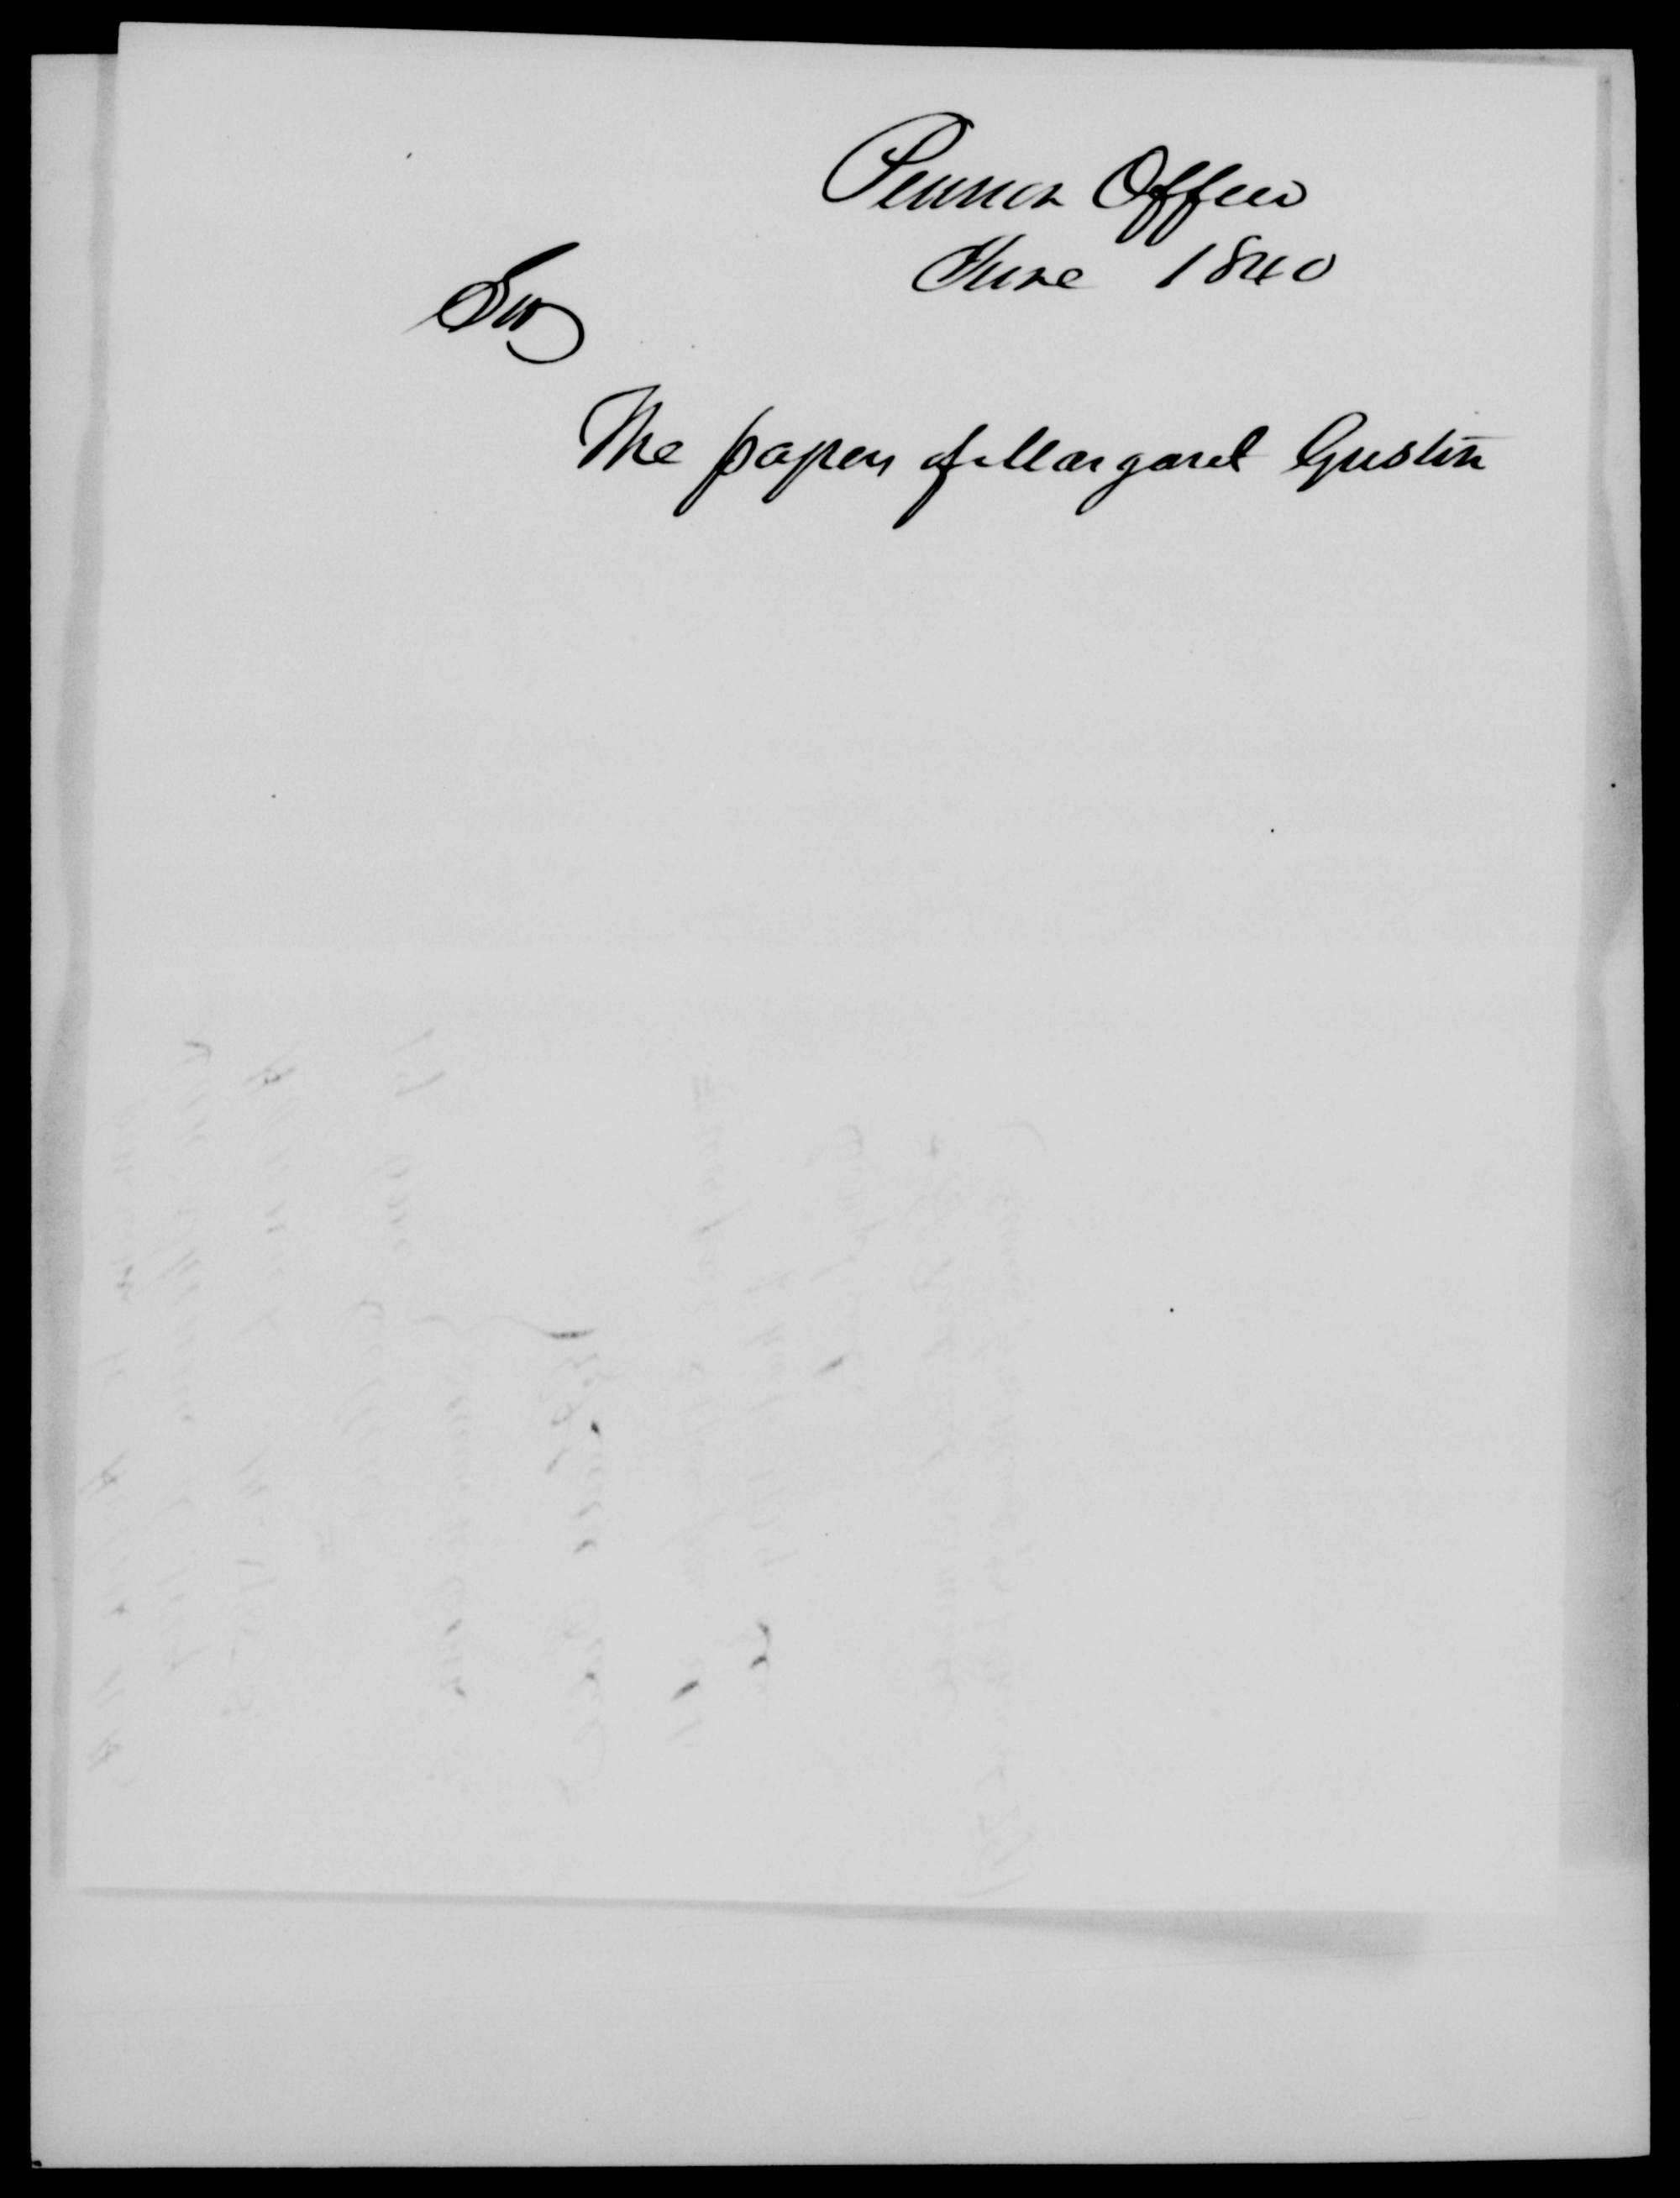Pension Office
June 1840

Sir
The papers of Margaret Gustin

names: Margaret Gustin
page: 32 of 46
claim: widow's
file: W. 24976, for Daniel Skinner, New Hampshire